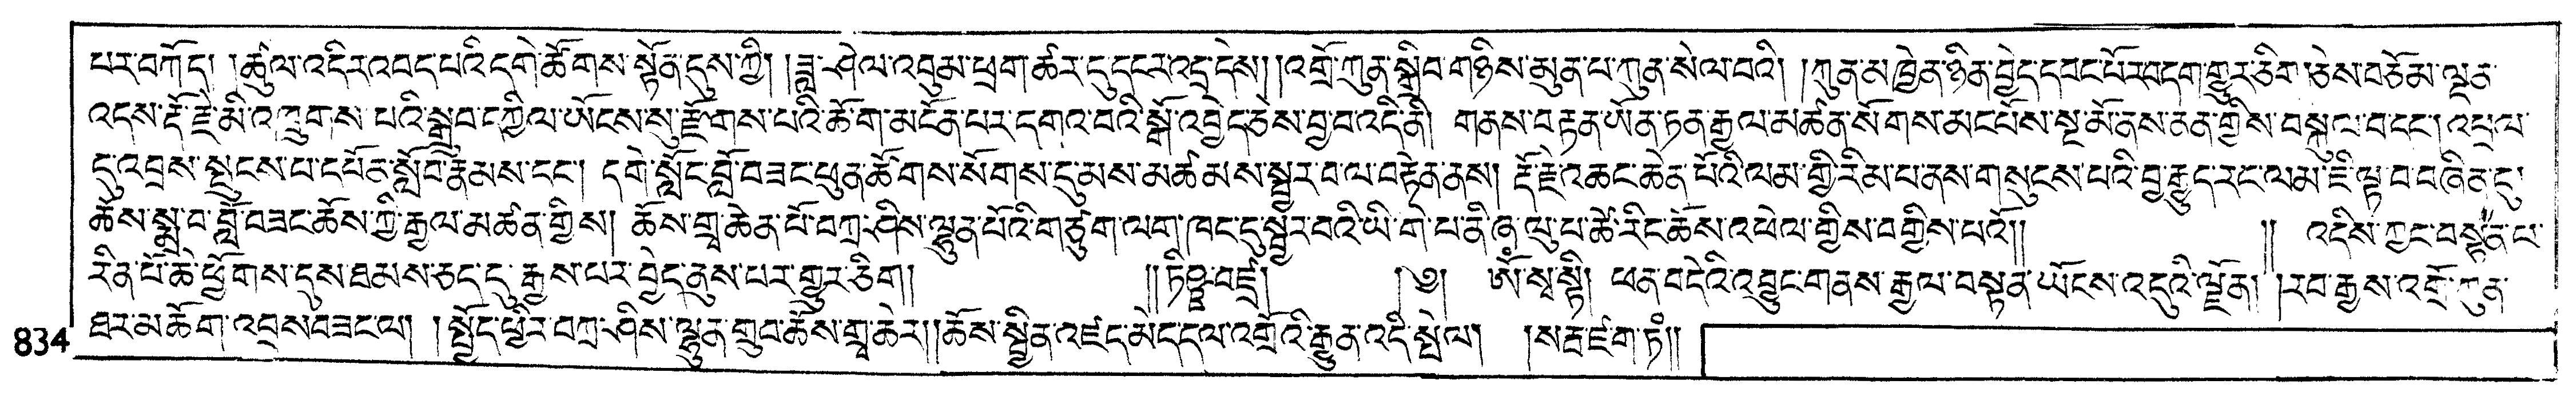པར་བཀོད། །ཚུལ་འདིར་འབད་པའི་དགེ་ཚོགས་སྟོན་དུས་ཀྱི། །ཟླ་ཤེལ་འབུམ་ཕྲག་ཚར་དུ་དང་ར་འདྲ་དེས། །འགྲོ་ཀུན་སྒྲིབ་གཉིས་མུན་པ་ཀུན་སེལ་བའི། །ཀུན་མཁྱེན་ཉིད་བྱེད་དབང་པོར་བདག་གྱུར་ཅིག །ཅེས་བཅོམ་ལྡན་
འདས་རྡོ་རྗེ་མི་འཁྲུགས་པའི་སྒྲུབ་དཀྱིལ་ཡོངས་སུ་རྫོགས་པའི་ཆོས་ག་མངོན་པར་དགའ་བའི་སྒོ་འབྱེད་ཅེས་བྱ་བ་འདི་ནི། གནས་བརྟན་ཡོན་ཏན་རྒྱལ་མཚན་སོགས་མང་པོས་སྔ་མོ་ནས་ནན་གྱིས་བསྐུལ་བ་དང་། འཕྲལ་
དུ་འབྲས་སྤུངས་པ་དཔོན་སློབ་རྣམས་དང་། དགེ་སློང་བློ་བཟང་ཕུན་ཚོགས་སོགས་དུ་མས་མཚམས་སྦྱར་བ་ལ་བརྟེན་ནས། རྡོ་རྗེ་འཆང་ཆེན་པོའི་ལམ་གྱི་རིམ་པ་ནས་གསུངས་པའི་བྱ་རྒྱུད་རང་ལམ་ཇི་ལྟ་བ་བཞིན་དུ།
ཆོས་སྨྲ་བ་བློ་བཟང་ཆོས་ཀྱི་རྒྱལ་མཚན་གྱིས། ཆོས་གྲྭ་ཆེན་པོ་བཀྲ་ཤིས་ལྷུན་པོའི་གཙུག་ལག་ཁང་དུ་སྦྱར་བའི་ཡི་གེ་པ་ནི་ཞ་ལུ་པ་ཚེ་རིང་ཆོས་འཕེལ་གྱིས་བགྱིས་པའོ།། །།འདིས་ཀྱང་བསྟན་པ་
རིན་པོ་ཆེ་ཕྱོགས་དུས་ཐམས་ཅད་དུ་རྒྱས་པར་བྱེད་ནུས་པར་གྱུར་ཅིག ། །།ཏིཥཊཿཨ་བཛྲ། །༄༅། ཨོཾ་སྭ་སྟི། ཕན་བདེའི་འབྱུང་གནས་རྒྱལ་བསྟན་ཡོངས་འདུའི་ལྗོན། །རབ་རྒྱས་འགྲོ་ཀུན་
ཐར་མཆོག་འབྲས་བཟང་ལ། །སྤྱོད་ཕྱིར་བཀྲ་ཤིས་ལྷུན་གྲུབ་ཆོས་གྲྭ་ཆེར། །ཆོས་སྦྱིན་འཛད་མེད་དལ་འགྲོའི་རྒྱུན་འདི་སྤེལ། །སརྦ་ཛ་ག་ཏཾ།།